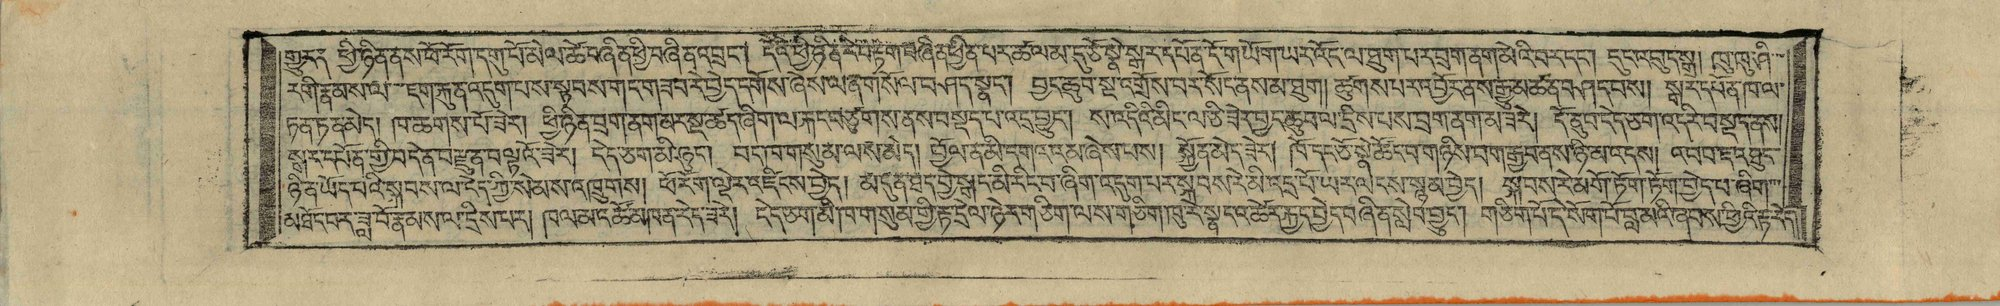གྱུར༑ ཕྱི་ཉིན་ནས་ཕོ་རོག་དགུ་པོ་མེལ་ཚེ་བཞིན་ཕྱི་བཞིན་འབྲང་། དེའི་ཕྱི་ཉིན་རེ་བརྟག་བཞིན་ཕྱིན་པར་ཚ་ལམ་དུ་ཅོ་སྣེ་སྒར་དཔོན་ངོ་གཡོག་ཡར་འོང་ལ་ཐུག་པར་བྲག་ནག་མེའི་བར་དང་། དུང་འབུད་སྒྲ། ཁུ་ཁུ་ཤི་
རིག་རྣམས་ལ་ཇག་རྐུན་འདུག་པས་སྟབས་གང་གཟབ་རེ་བྱེད་དགོས་ཞེས་ལན་གསོལ་བཤད་སྣང་། བྱང་ཆུབ་སྔ་འགྲོས་བར་སོང་ནས་མ་ཐུག །ཚུགས་པར་འབྱོར་ནས་རྒྱུ་མཚན་བཤད་པས། སྒར་དཔོན་ཁ་ལ་
ཏན་ཏན་མེད། ཁ་ཆགས་པོ་ཟེར། ཕྱི་ཉིན་བྲག་ནག་མར་སྔ་ཚད་ཞིག་ལ་རྐང་བཙུགས་ནས་བསྡད་པ་འདྲ་བྱུང་། ས་འདིའི་མིང་ལ་ཅི་ཟེར་བྱང་ཆུབ་ལ་དྲིས་པས་བྲག་ནག་མ་ཟེར། དོ་ནུབ་ངེད་ཅག་འདིར་བསྡད་ནས།
སྒར་དཔོན་གྱི་བདེན་བརྫུན་བལྟའོ་ཟེར། ངེད་ཅག་མི་ཉུང་། བང་ཁ་གསུམ་ལས་མེད། བྱོལ་ན་མི་དགའ་འམ་ཞེས་པས། སྐྱོན་མེད་ཟེར། ཁོ་དང་ཅོ་སྣེ་ཚོང་བ་གཉིས་བག་རྒྱབ་ནས་ཉི་མ་འདས། འབབ་ཇ་འཐུང་
ཉིན་ཡོད་པའི་སྐབས་ལ་ངེད་ཀྱི་སེམས་འཁྲུགས། ཕོ་རོག་ལྡེར་འཛིངས་བྱེད། མདུན་ཐད་བྱེ་སྒང་མི་རིང་བ་ཞིག་འདུག་པར་སྐབས་རེ་མི་འདྲ་པོ་ཡར་ལངས་སྙམ་བྱེད། སྐབས་རེ་མགོ་ཏོག་ཏོག་བྱེད་པ་ཞིག་
མཐོང་བར་ཟླ་བོ་རྣམས་ལ་དྲིས་པར། ཁལ་མ་འཚོ་མཁན་རེད་ཟེར། ངེད་ཅག་མི་ཁ་གསུམ་གྱི་རྟ་དྲེལ་ཉེར་གཅིག་ལས་གཅིག་ཁུ་རེ་སྣང་འཚེར་རྐྱང་བྱེད་བཞིན་སླེབ་བྱུང་། གཅིག་པོ་དེ་སོག་པོ་བླ་མའི་ཞབས་ཕྱིའི་རྟ་རེད།